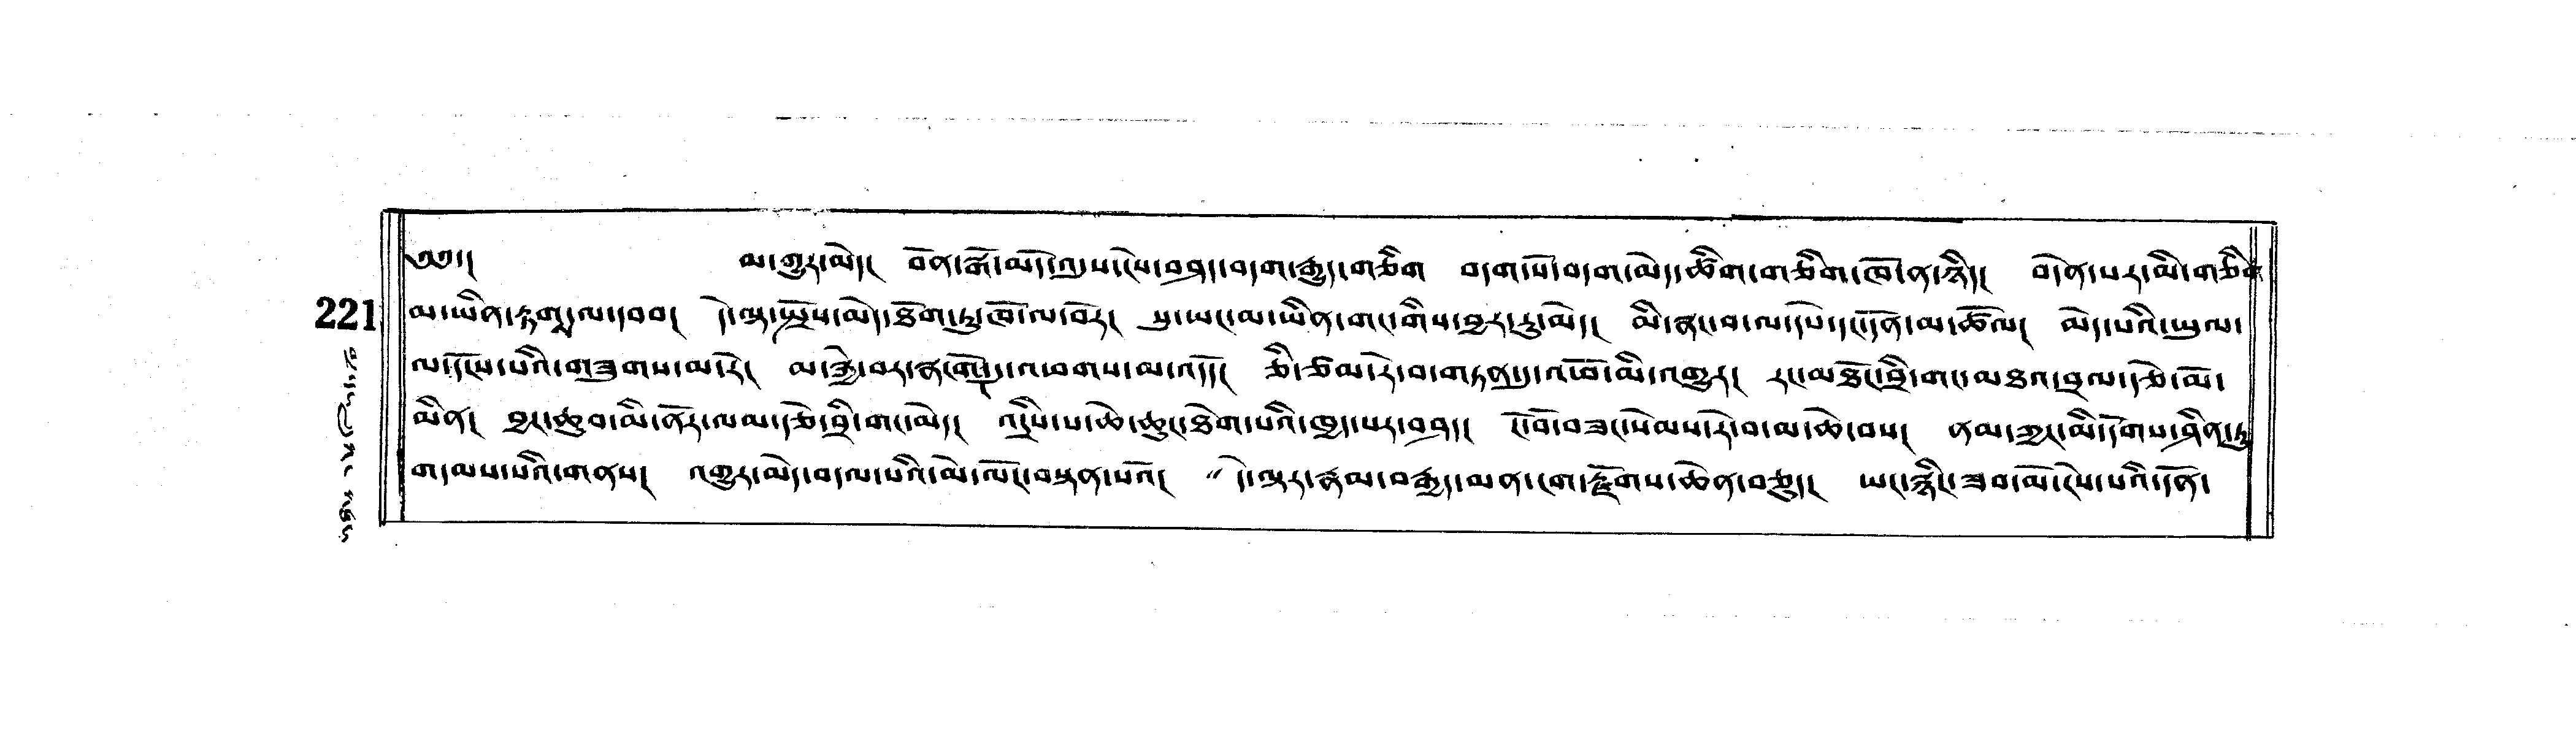མ་གྱུར་མེད། བོན་སྒོ་མདོ་འདུས་ངེས་བཤད་བདག་རྒྱུད་གཅིག བདག་པོ་བདག་མེད་ཚིག་གཅིག་ཁོ་ན་ཉིད། བདེན་པར་མི་གཅིག་
མ་ཡིན་རྟགས་ལ་དབབ། དེ་ལྟ་སྤྲོས་མེད་ཐོག་ཏུ་ཁོ་ལ་བོར། སུ་ཡང་མ་ཡིན་གང་ཡང་བྱ་རུ་མེད། མི་སྣང་བ་ལ་དཔེ་དང་དོན་མ་ཚོལ། མེད་པའི་ཡུལ་
ལ་དངོས་པོའི་གཟུགས་མ་རེ། མ་སྐྱེ་བར་སྣང་གོང་དུ་འཕགས་མ་འདོད། ཅི་ཙམ་རེ་བ་གཏན་དུ་འཕོ་མི་འགྱུར། རང་མཐོང་བྲི་གང་མཐའ་བྲལ་རྩེ་མོ་
མིན། བྱང་ཆུབ་མི་ནོར་ལམ་རྩེ་བྲི་གང་མེད། འདྲིས་པ་ཆེ་ཆུང་ཐེག་པའི་ཁྱད་པར་བཤད། ངོ་བོ་བཟང་སེམས་རེ་བ་མ་ཆེ་བས། ནམ་ཀྱང་མི་དགོས་ཤིན་ཏུ་
གདམས་པའི་གནས། འགྱུར་མེད་བདལ་པའི་མེ་ལོང་བསྟན་པའོ། དེ་ལྟར་རྣམ་བརྒྱད་མན་ངག་རྫོགས་ཆེན་བཅུད། ཡང་སྙིང་ཟབ་མོ་ངེས་པའི་དོན་